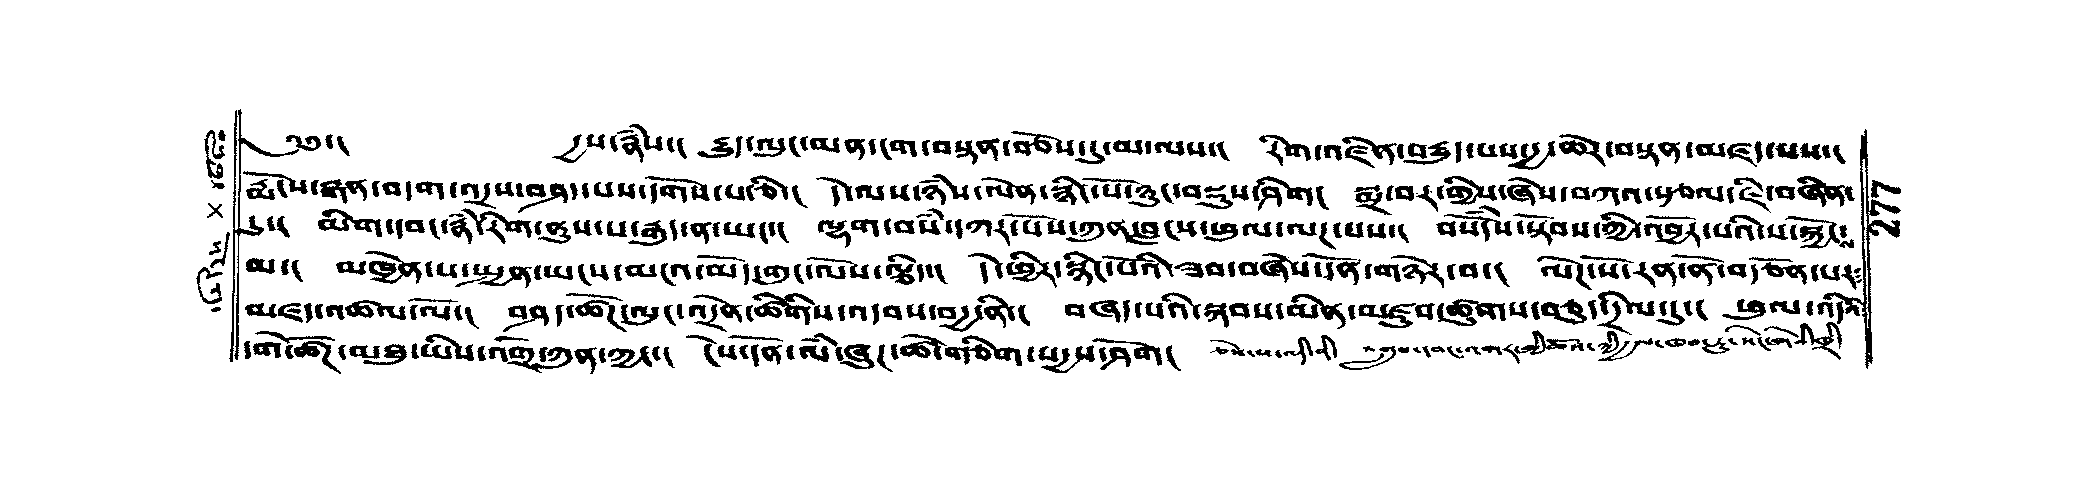རྒྱས་རྣམས། །རྒྱུད་ལུང་མན་ངག་བསྟན་བཅོས་དུ་མ་ལས། །རིག་འཛིན་བརྒྱུད་པས་རྒྱ་ཆེར་བསྟན་མཛད་པས། །
རྨོངས་རྒན་བདག་འདྲས་བཤད་པས་དགོས་པ་ཅི། །དེ་ལས་ཉམས་ལེན་སྙིང་པོ་ཉུང་བསྡུས་ཤིག །སྨྲ་བར་གྱིས་ཞེས་བཀའ་བསྩལ་ཇི་བཞིན་
དུ། མིག་དབང་རྣམ་རིག་ནུས་པ་རྒུད་ན་ཡང། །ལྷག་བསམ་དཀར་པོས་ཀུན་བླངས་ཕུལ་ལགས་པས། །བསོད་ནམས་སྟོབས་ཀྱི་འབྱོར་པའི་ས་སྐྱོང་
མ། །མཁྱེན་པ་སྤྱན་ཡངས་མངའ་མོད་དགུང་ལོས་ལྕི། །དེ་ཕྱིར་སྙིང་པོའི་ཟབ་བཞེས་དོན་གཉེར་བ། ལེགས་སོ་རན་ནོ་བརྩོན་པར་
མཛད་འཚལ་ལོ། །བཤད་ཚོགས་ལུང་འདྲེན་ཚིག་གིས་འདབ་བརྒྱ་ནི། །བཞད་པའི་སྐབས་མིན་མཛུབ་ཚུགས་བཅུད་དྲིལ་དུ། །ཕུལ་འདིའི་
དགེ་ཚོགས་མཐུ་ཡིས་འགྲོ་ཀུན་ཀྱང་། །ངེས་དོན་ལམ་ཞུགས་ཚེ་གཅིག་སངས་རྒྱས་ཤོག།ཅེས་པ་འདི་ནི་གྲུབ་དབང་འགར་གྱི་ཆོས་ཀྱི་རྒྱལ་ཁབ་ཏུ་སེང་གེའི་ཁྲི་